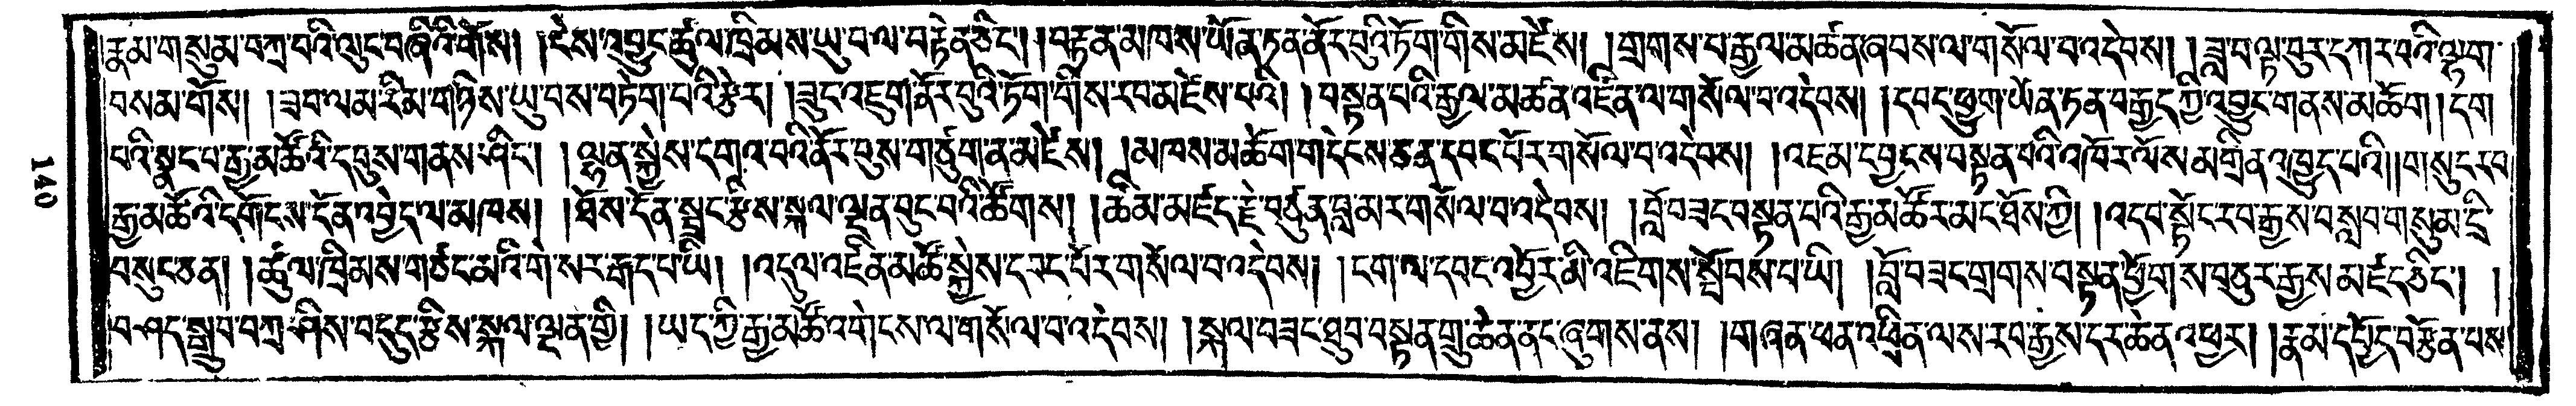རྣམ་གསུམ་བཀྲ་བའི་ལུང་བཞིའི་གོས། །ངེས་འབྱུང་ཚུལ་ཁྲིམས་ཡུ་བ་ལ་བརྟེན་ཅིང་། །བརྟན་མཁས་ཡོན་ཏན་ནོར་བུའི་ཏོག་གིས་མཛེས། །གྲགས་པ་རྒྱལ་མཚན་ཞབས་ལ་གསོལ་བ་འདེབས། །ཟླ་བ་ལྟ་བུར་དཀར་བའི་ལྷག་
བསམ་གོས། །ཟབ་ལམ་རིམ་གཉིས་ཡུ་བས་བཏེག་པའི་རྩེར། །ཟུང་འཇུག་ནོར་བུའི་ཏོག་གིས་རབ་མཛེས་པའི། །བསྟན་པའི་རྒྱལ་མཚན་འཛིན་ལ་གསོལ་བ་འདེབས། །དབང་ཕྱུག་ཡོན་ཏན་བརྒྱད་ཀྱི་འབྱུང་གནས་མཆོག །དག་
པའི་སྣང་པ་རྒྱ་མཚོའི་དབུས་གནས་ཤིང་། །ལྷན་སྐྱེས་དགའ་བའི་ནོར་བུས་གཙུག་ན་མཛེས། །མཁས་མཆོག་གདེངས་ཅན་དབང་པོར་གསོལ་བ་འདེབས། །འཇམ་དབྱངས་བསྟན་པའི་འཁོར་ལོས་མགྲིན་འཁྱུད་པའི། །གསུང་རབ་
རྒྱ་མཚོའི་དགོངས་དོན་འབྱེད་ལ་མཁས། །ཐོས་དོན་སྦྲང་རྩིས་སྐལ་ལྡན་བུང་བའི་ཚོགས། །ཚིམ་མཛད་རྗེ་བཙུན་བླ་མར་གསོལ་བ་འདེབས། །བློ་བཟང་བསྟན་པའི་རྒྱ་མཚོར་མང་ཐོས་ཀྱི། །འདབ་སྟོང་རབ་རྒྱས་བསླབ་གསུམ་དྲི་
བསུང་ཅན། །ཚུལ་ཁྲིམས་གཙང་མའི་གེ་སར་རྒད་པ་ཡི། །འདུལ་འཛིན་མཚོ་སྐྱེས་དབང་པོར་གསོལ་བ་འདེབས། །ངག་ལ་དབང་འབྱོར་མི་འཇིགས་སྤོབས་པ་ཡི། །བློ་བཟང་གྲགས་བསྟན་ཕྱོགས་བཅུར་རྒྱས་མཛད་ཅིང་། །
བཤད་སྒྲུབ་བཀྲ་ཤིས་བདུད་རྩིས་སྐལ་ལྡན་གྱི། །ཡད་ཀྱི་རྒྱ་མཚོ་འགེངས་ལ་གསོལ་བ་འདེབས། །སྐལ་བཟང་ཐུབ་བསྟན་གྲུ་ཆེན་ནང་ཞུགས་ནས། །གཞན་ཕན་འཕྲིན་ལས་རབ་རྒྱས་དར་ཆེན་འཕྱར། །རྣམ་དཔྱོད་བརྩོན་པས་